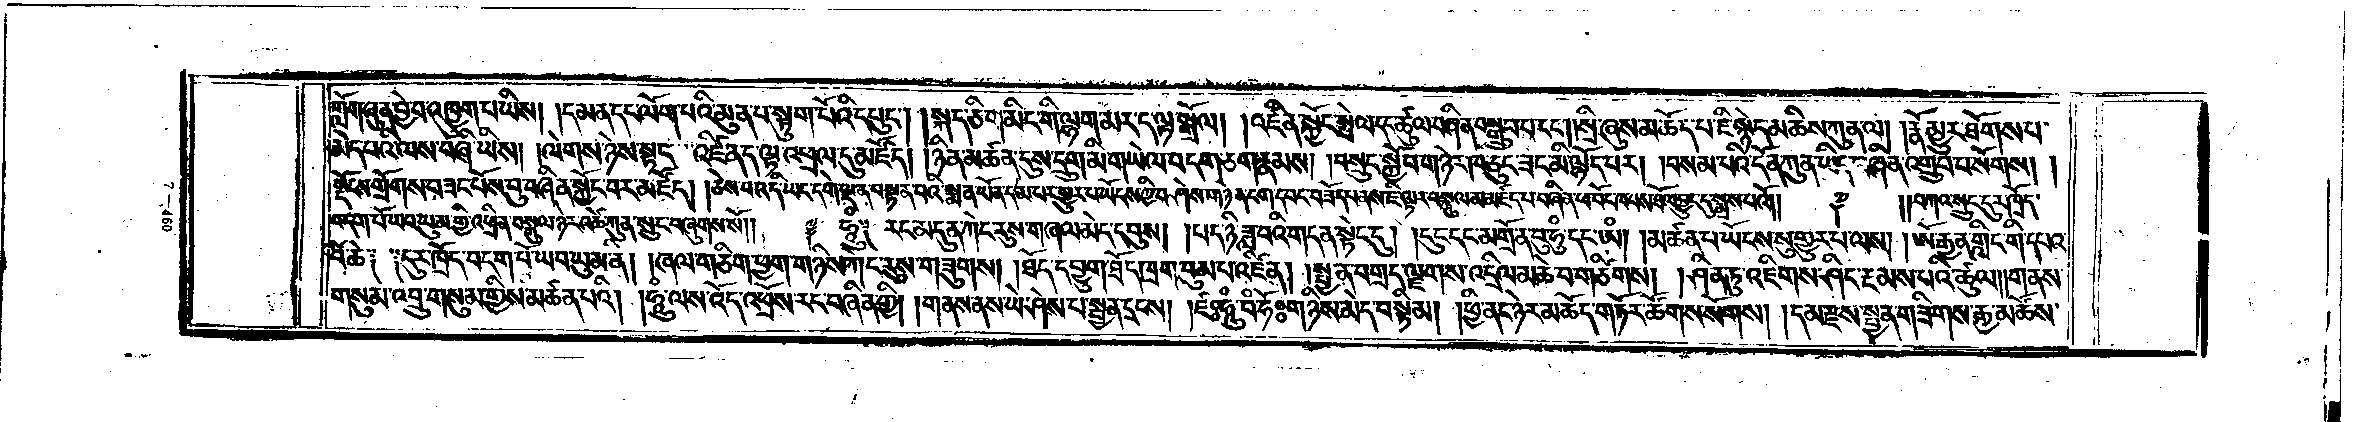གློག་ཞུན་བྱེ་བ་འཁྱུག་པ་ཡིས། །དམན་དང་ལོག་པའི་མུན་པ་སྟུག་པོའི་དཔུང་། །སྐད་ཅིག་མིང་གི་ལྷག་མར་ད་ལྟ་སྒྲོལ། །འཛིན་སྐྱོང་སྤེལ་དང་ཚུལ་བཞིན་བསྒྲུབ་པ་དང་། །སྲི་ཞུས་མཆོད་པ་ཇི་སྙེད་མཆིས་ཀུན་ལ། །རྣོ་མྱུར་ཐོགས་པ་
མེད་བའི་ལས་བཞི་ཡིས། །ལེགས་ཉེས་སྟང་འཛིན་ད་ལྟ་འགྲལ་དུ་མཛོད། །ཉིན་མཚན་དུས་དྲུག་མི་གཡེལ་བདག་ཅག་རྣམས། །བསྲུང་སྐྱོབ་གཉེར་ཁ་ཅུང་ཟད་མི་ལྷོད་པར། །བསམ་པའི་དོན་ཀུན་ཡིད་བཞིན་འགྲུབ་པ་སོགས། །
སྡོངས་གྲོགས་བཟང་པོས་བུ་བཞིན་སྐྱོང་པར་མཛོད། །ཅེས་པ་འདི་ཡང་དགེ་ལྡན་བསྟན་པའི་སྨན་ཡོན་དམ་བར་གྱུར་པ་ཡོངས་ཀྱི་བཤེས་གཉེན་ངག་དབང་བཟོད་པ་ནས་ཇི་ལྟར་བསྐུལ་མ་མཛད་པ་བཞིན་ཕ་བོང་ཁ་བས་ཐོལ་བྱུང་དུ་སྨྲས་པའོ།།  ༈ །།བཀའ་སྲུང་དུར་ཁྲོད་
བདག་ཕོ་ཡབ་ཡུམ་གྱི་འཕྲིན་བསྐུལ་ཉེར་འཚེ་ཀུན་སྲུང་བཞུགས་སོ།། ༈ ཧཱུཾ༑རང་མདུན་ཀེང་རུས་གཞལ་མེད་དབུས། །པད་ཉི་ཟླ་བའི་གདན་སྟེང་དུ། །དུང་དང་མགྲོན་བུ་ཧཱུཾ་དང་ཨཾ། །མཚན་པ་ཡོངས་སུ་གྱུར་པ་ལས། །ཨོ་རྒྱན་གླིང་གི་དཔའ་
བོ་ཆེ༑ ༑དུར་ཁྲོད་བདག་པོ་ཡབ་ཡུམ་ནི། །ཞལ་གཅིག་ཕྱག་གཉིས་ཀེང་རུས་གཟུགས། །ཐོད་དབྱུག་ཐོད་ཁྲག་བུམ་པ་འཛིན། །སྤྱན་བགྲང་ལྗགས་འདྲིལ་མཆེ་བ་གཙིགས། །ཤིན་ཏུ་འཇིགས་ཤིང་རྔམས་པའི་ཚུལ། །གནས་
གསུམ་འབྲུ་གསུམ་གྱིས་མཚན་པའི། །ཧཱུཾ་ལས་འོད་འཕྲོས་རང་བཞིན་གྱི། །གནས་ནས་ཡེ་ཤེས་པ་སྤྱན་དྲངས། །ཛཿཧཱུཾ་བཾཧོཿགཉིས་མེད་བསྟིམ། །ཕྱི་ནང་ཉེར་མཆོད་གཏོར་ཚོགས་སོགས། །དམ་རྫས་སྤྱན་གཟིགས་རྒྱ་མཚོས་